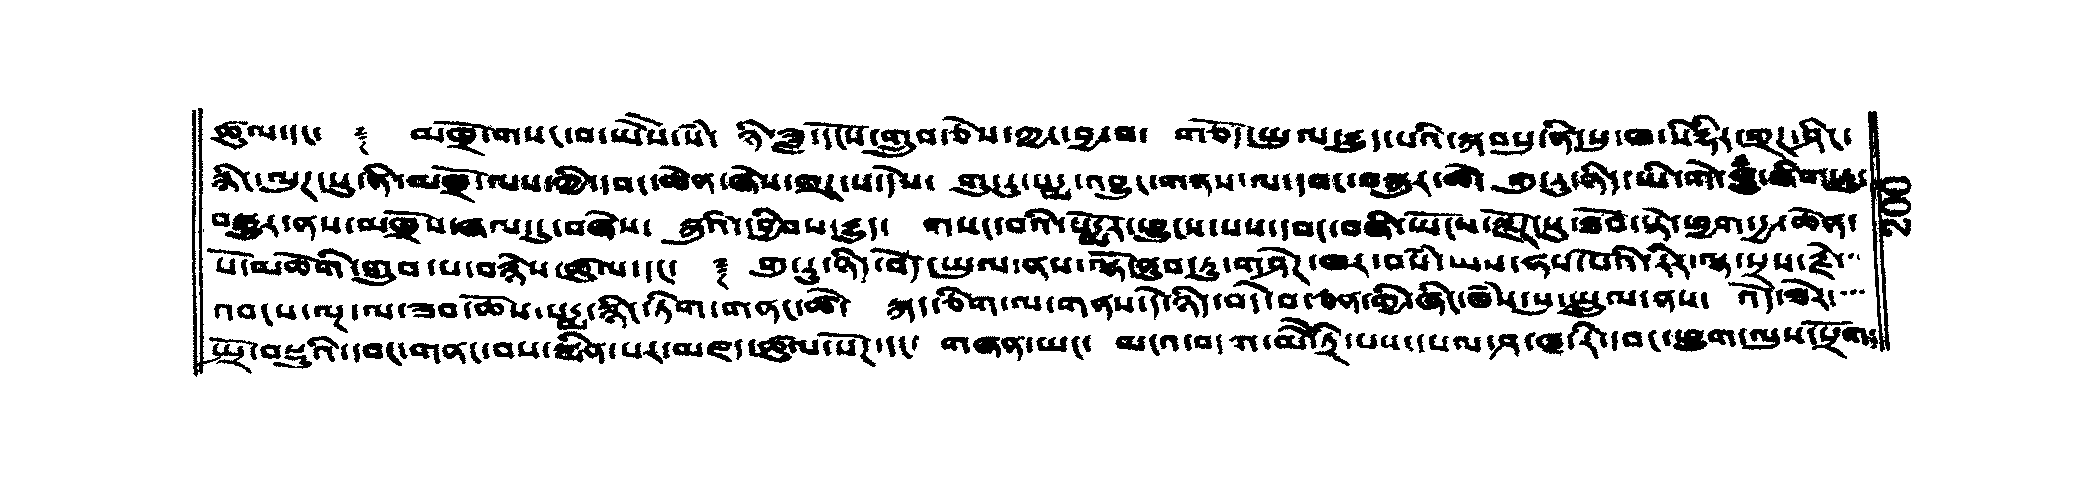ཚུལ་དང་། མཁའ་འགྲོ་གསང་བ་ཡེ་ཤེས་སམ། ཉི་ཟླ་དངོས་གྲུབ་ཅེས་ཀྱང་བྱ་བ། གཅོད་ཡུལ་རྒྱུད་པའི་སྐབས་སུ་ནི་སུ་ཁ་སིདྷིར་གྲགས་ཤིང་། 
རྙིང་ལུགས་སུ་ནི་མཁའ་འགྲོ་ལས་ཀྱི་དབང་ཆེན་ཞེས་གྲགས་པ་དེས། གུ་རུ་པདྨ་འབྱུང་གནས་ལ་དབང་བསྐུར་ཚེ། གུ་རུ་ཉིད་ཡི་གེ་ཧཱུྃ་ཞིག་ཏུ་
བསྒྱུར་ནས་མཁའ་འགྲོས་ཞལ་དུ་བཞེས། སྐུའི་དབྱིབས་རྒྱུད། གསང་བའི་པདྨོར་ཕྱུངས་པས་དབང་བཞི་ཡོངས་རྫོགས་སུ་ཐོབ་སྟེ་ཕྱག་རྒྱ་ཆེན་
པོ་མཆོག་གི་གྲུབ་པ་བརྙེས་ཚུལ་དང་། གུ་རུ་ཉིད་བོད་ཡུལ་ནས་ལྷོ་ནུབ་ཏུ་གཤེགས་ཁར་བསམ་ཡས་ཧས་པོའི་རིར་ལྷ་སྲས་རྗེ་
འབངས་ལྔ་ལ་ཟབ་ཆོས་པདྨ་སྙིང་ཏིག་གནང་ཚེ།སྐད་ཅིག་ལ་གནས་དེ་ཉིད་བདེ་བ་ཅན་གྱི་ཞིང་ཁམས་སུ་སྤྲུལ་ནས། འོད་ཟེར་
སྤྲོ་བསྡུའི་དབང་གནང་བས་སྨིན་པར་མཛད་ཚུལ་སོགས་དང་། གཞན་ཡང་། མངའ་བདག་མཻ་ཏྲི་པས་དཔལ་ཤ་ཝ་རི་དབང་ཕྱུག་ལུས་སྲོག་